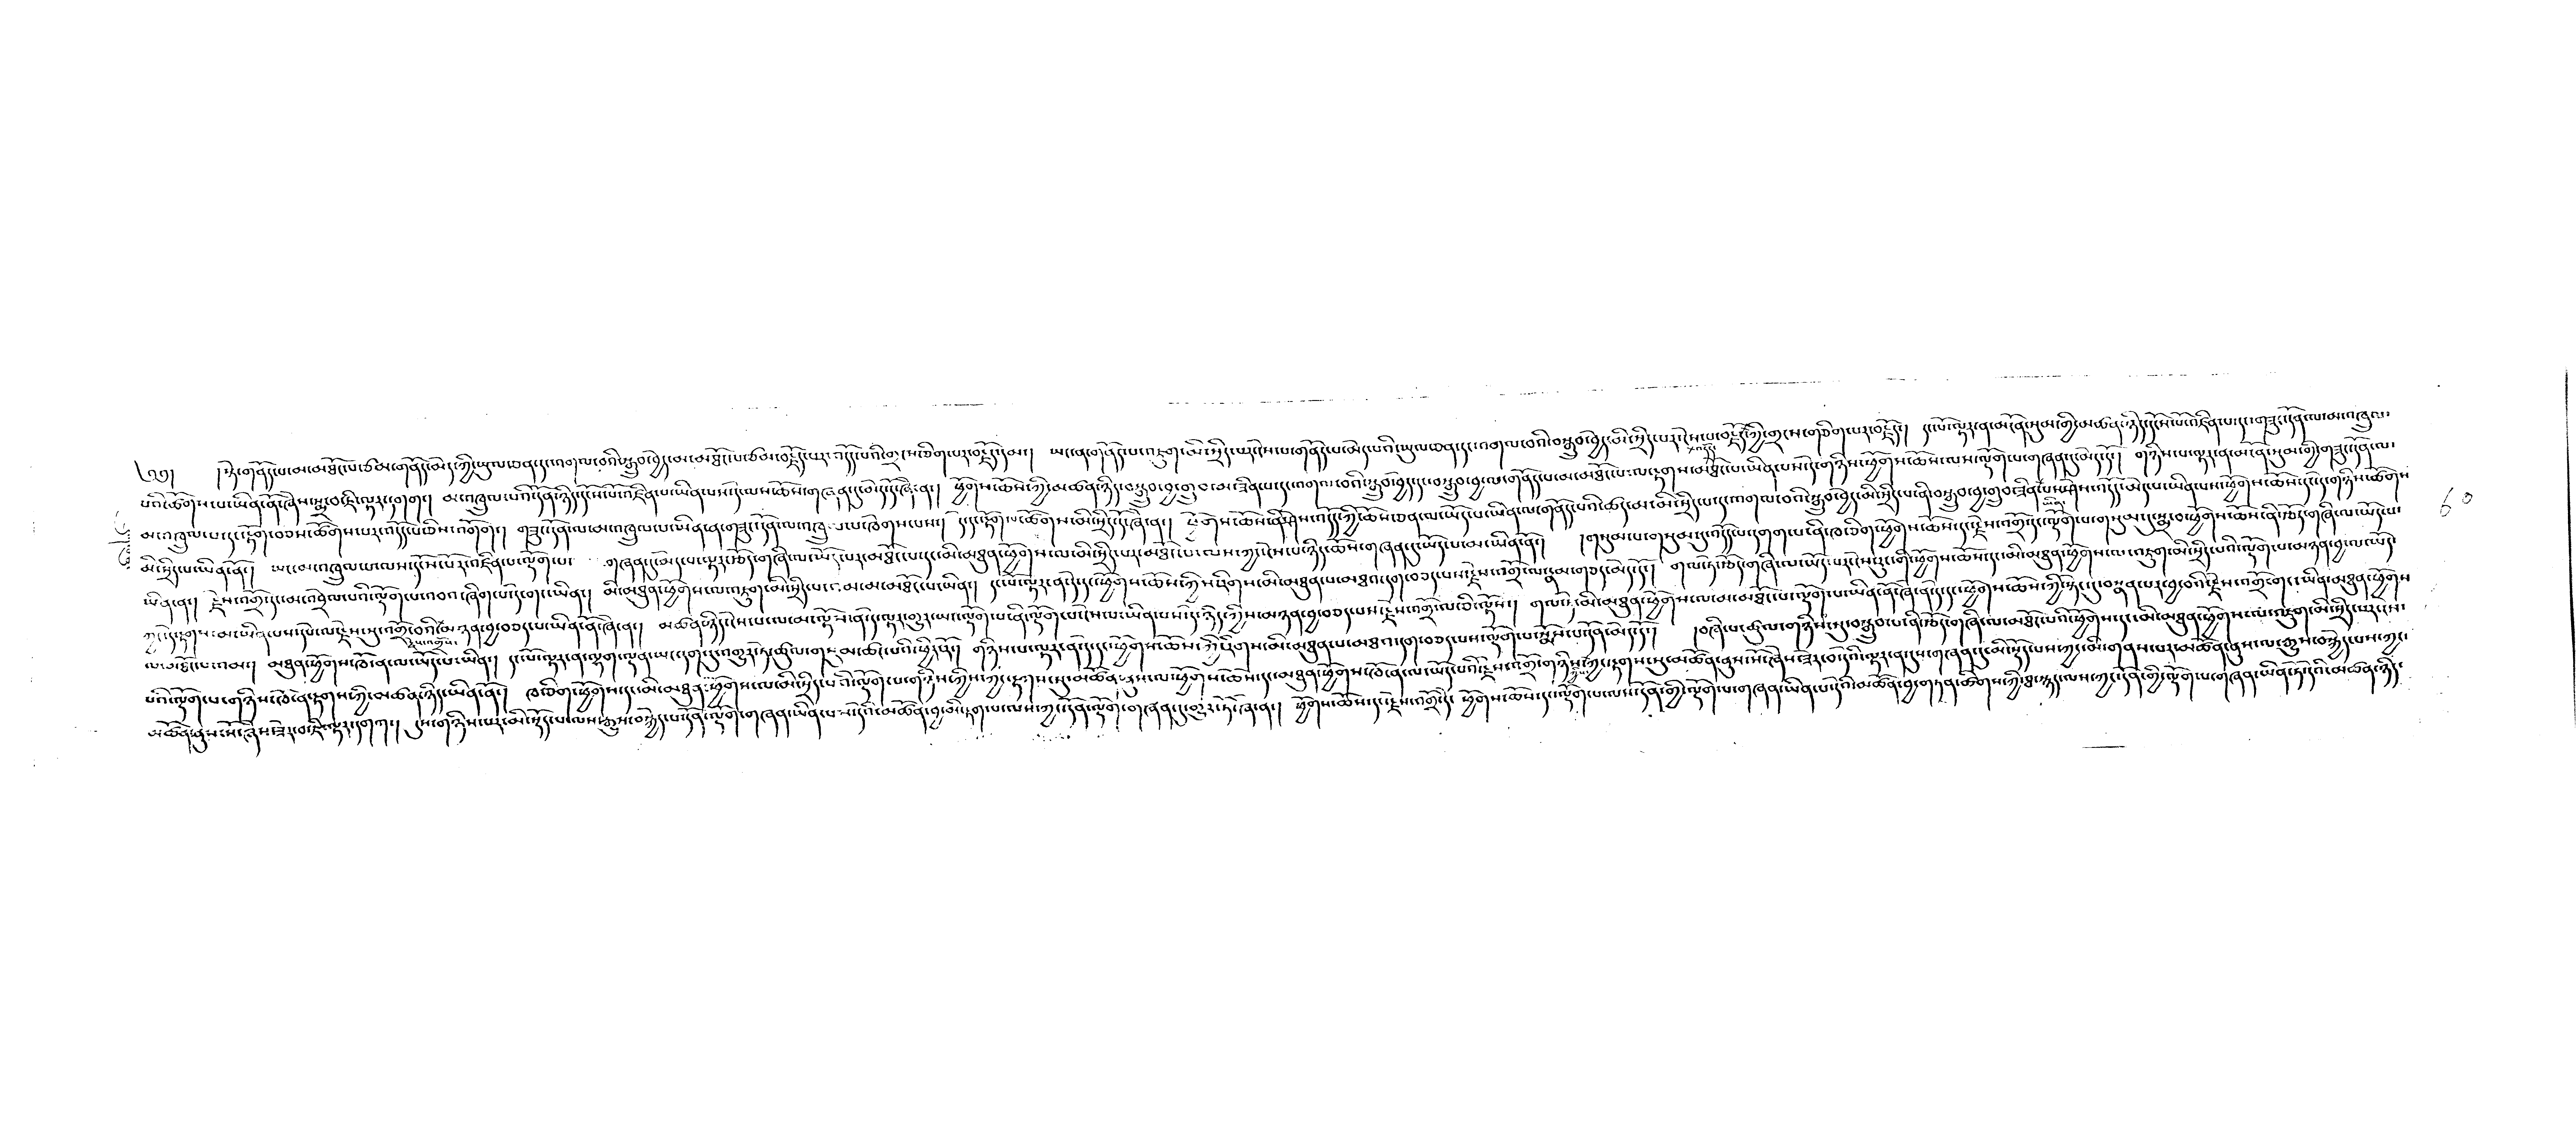༄༅། །སྟེ་གནོད་པ་མ་མཐོང་པ་ཙམ་གནོད་མེད་ཀྱི་ཡུལ་ཅན་དང་འགལ་བའི་སྒྲུབ་བྱེད་མ་མཐོང་པ་ཙམ་བརྗོད་པར་འདོད་པའི་གྲངས་ཅིག་པར་བརྗོད་དམ། ཡང་ན་གནོད་པ་འཇུག་མི་སྲིད་པར་ངེས་པ་གནོད་པ་མེད་པའི་ཡུལ་ཅན་དང་འགལ་བའི་བསྒྲུབ་བྱེད་མི་སྲིད་པར་ངེས་པ་བརྗོད་ཀྱི་གྲངས་གཅིག་པར་བརྗོད། དང་པོ་ལྟར་ན་མངོན་སུམ་གྱི་མཚན་ཉིད་དངོས་པོ་འཛིན་པ་དང་གཟུང་དོན་ལ་མ་འཁྲུལ་
པའི་ཚོགས་པ་ཡིན་ནོ་ཞེས་སྨྲ་བ་ཇི་ལྟར་དགག། མ་འཁྲུལ་པའི་དོན་ཉིད་དངོས་པོ་འཛིན་པ་ཡིན་པས་དེ་ལས་ཆོས་གཞན་དུ་མེད་དོ་ཞེ་ན། ཕྱོགས་ཆོས་ཀྱི་མཚན་ཉིད་བསྒྲུབ་བྱ་གྲུབ་མ་ཟིན་པ་དང་འགལ་བའི་སྒྲུབ་བྱེད་དང་བསྒྲུབ་བྱ་ལ་གནོད་པ་མ་མཐོང་པ་ལ་རྟགས་མཐོང་པ་ཡིན་པས་དེ་གཉིས་ཕྱོགས་ཆོས་ལས་ལྡོག་པ་གཞན་དུ་མེད་དོ། གཉིས་པ་ལྟར་ན་མངོན་སུམ་གྱི་གཟུང་དོན་ལ་
མ་འཁྲུལ་པ་དང་རྟོག་བཅས་ཚོགས་པར་འདོད་པ་ཅིས་འགོག། གཟུང་དོན་ལ་མ་འཁྲུལ་པ་ཡིན་ན་གཟུང་དོན་ལ་འཁྲུལ་པ་ཁེགས་པས། དེ་དང་རྟོག་པ་ཚོགས་མི་སྲིད་དོ་ཞེ་ན། ཕྱོགས་ཆོས་ནི་ཤེས་འདོད་ཀྱི་ཆོས་ཅན་ལ་ཡོད་པ་ཡིན་ལ་གནོད་པའི་ཚད་མ་མི་སྲིད་པ་དང་འགལ་བའི་སྒྲུབ་བྱེད་མི་སྲིད་པ་ནི་བསྒྲུབ་བྱ་གྲུབ་ཟིན་པས་ཤེས་འདོད་མེད་པ་ཡིན་པས་ཕྱོགས་ཆོས་དང་དེ་གཉིས་ཚོགས་
མི་སྲིད་པ་ཡིན་ནོ། ཡང་མ་འཁྲུལ་པ་ལས་དངོས་པོར་འཛིན་པ་ལྡོག་པ་གཞན་དུ་མེད་པ་ལྟར་རྩོད་གཞི་ལ་ཡོད་པར་མཐོང་པ་དང་མི་མཐུན་ཕྱོགས་ལ་མི་སྲིད་པར་མཐོང་པ་ལས་ཀྱང་ངེས་པ་ཉིད་ཆོས་གཞན་དུ་ཡོད་པ་མ་ཡིན་ནོ། །གསུམ་པ་གསུམ་དུ་འདོད་པ་དགག་པ་ནི་ཁ་ཅིག་ཕྱོགས་ཆོས་དང་རྗེས་འགྲོ་དང་ལྡོག་པ་གསུམ་དུ་སྨྲ་བ་ཕྱོགས་ཆོས་ནི་རྩོད་གཞི་ལ་ཡོད་པ་
ཡིན་ན། རྗེས་འགྲོ་དང་མ་འབྲེལ་པའི་ལྡོག་པ་འབའ་ཞིག་པ་དེ་གང་ཡིན། མི་མཐུན་ཕྱོགས་ལ་འཇུག་མི་སྲིད་པ་འམ་མ་མཐོང་པ་ཡིན། དང་པོ་ལྟར་ན་དེ་དང་ཕྱོགས་ཆོས་ཀྱིས་རིགས་མི་མཐུན་པ་མཐའ་དག་བཅད་པས་རྗེས་འགྲོ་ལ་རྣམ་གཅད་མེད་དོ། གལ་ཏེ་རྩོད་གཞི་ལ་ཡོད་པར་ངེས་རུང་གི་ཕྱོགས་ཆོས་དང་མི་མཐུན་ཕྱོགས་ལ་འཇུག་མི་སྲིད་པའི་ལྡོག་པ་མཉན་བྱ་ལ་ཡོད་
ཀྱང་དེ་རྟགས་མ་ཡིན་པས་དཔེ་ལ་རྗེས་སུ་འགྲོ་བའི་རྗེས་འགྲོས་མཉན་བྱ་བཅད་པ་ཡིན་ནོ་ཞེ་ན། མཚན་ཉིད་ངེས་པ་ལ་མ་ལྟོས་ན་དེ་ལྟར་གྱུར་ཡང་ལྡོག་པ་ནི་ལྡོག་པ་ངེས་པ་ཡིན་པས་དེ་ཉིད་ཀྱིས་མཉན་བྱ་བཅད་པས་རྗེས་འགྲོ་ལ་ཅི་ལྟོས། གལ་ཏེ་མི་མཐུན་ཕྱོགས་ལ་མ་མཐོང་པ་ལྡོག་པ་ཡིན་ནོ་ཞེ་ན་དེ་དང་ཕྱོགས་ཆོས་ཀྱི་སྟེང་དུ་བསྣན་པར་བྱ་བའི་རྗེས་འགྲོ་གང་ཡིན་མཐུན་ཕྱོགས་
ལ་མཐོང་པ་འམ། མཐུན་ཕྱོགས་ཁོ་ན་ལ་ཡོད་པ་ཡིན། དང་པོ་ལྟར་ན་ལྷག་ལྡན་ཡང་དག་དུ་འགྱུར་ཏེ་ཚུལ་གསུམ་ཚང་པའི་ཕྱིར་རོ། གཉིས་པ་ལྟར་ན་དེ་དང་ཕྱོགས་ཆོས་ཀྱི་རིགས་མི་མཐུན་པ་མཐའ་དག་བཅད་པས་ལྡོག་པ་སྨོས་པ་དོན་མེད་དོ། །བཞི་པ་ཚུལ་གཉིས་སུ་བསྒྲུབ་པ་ནི་རྩོད་གཞི་ལ་མཐོང་པའི་ཕྱོགས་དང་མི་མཐུན་ཕྱོགས་ལ་འཇུག་མི་སྲིད་པར་ངེས་
པའི་ལྡོག་པ་གཉིས་ཁོ་ན་རྟགས་ཀྱི་མཚན་ཉིད་ཡིན་ནོ། ཁ་ཅིག་ཕྱོགས་དང་མི་མཐུན་ཕྱོགས་ལ་མི་སྲིད་པའི་ལྡོག་པ་གཉིས་ཀྱིས་ཀྱང་རྟགས་སུ་མཚོན་ནུས་ལ་ཕྱོགས་ཆོས་དང་མཐུན་ཕྱོགས་ཁོ་ན་ལ་ཡོད་པའི་རྗེས་འགྲོ་གཉིས་ཀྱང་རྟགས་སུ་མཚོན་ནུས་སོ་ཞེས་ཟེར་བ་དེའི་ལྟར་ན་དུས་གཞན་དུ་མི་སྟོད་པས་ཀྱང་མི་གནས་པར་མཚོན་ནུས་ལ་རྒྱུས་བསྐྱེད་པས་ཀྱང་
མཚོན་ནུས་སོ་ཞེས་ཟེར་བ་ཇི་ལྟར་དགག །དུས་གཉིས་པར་མི་སྟོད་པ་ལས་རྒྱུས་བསྐྱེད་པ་དོན་ལྡོག་གཞན་ཡིན་པས་དེའི་མཚོན་བྱ་མི་རྟག་པ་ལས་ཀྱང་དོན་ལྡོག་གཞན་དུ་གྱུར་ཏོ་ཞེ་ན། ཕྱོགས་ཆོས་དང་རྗེས་འགྲོ་དེ་ཕྱོགས་ཆོས་དང་ལྡོག་པ་ལས་དོན་གྱི་ལྡོག་པ་གཞན་ཡིན་པ་དེའི་མཚོན་བྱ་གཏན་ཚིགས་ཀྱི་ཐ་སྙད་ལས་ཀྱང་དོན་གྱི་ལྡོག་པ་གཞན་ཡིན་ཏེ་དེའི་མཚན་ཉིད་